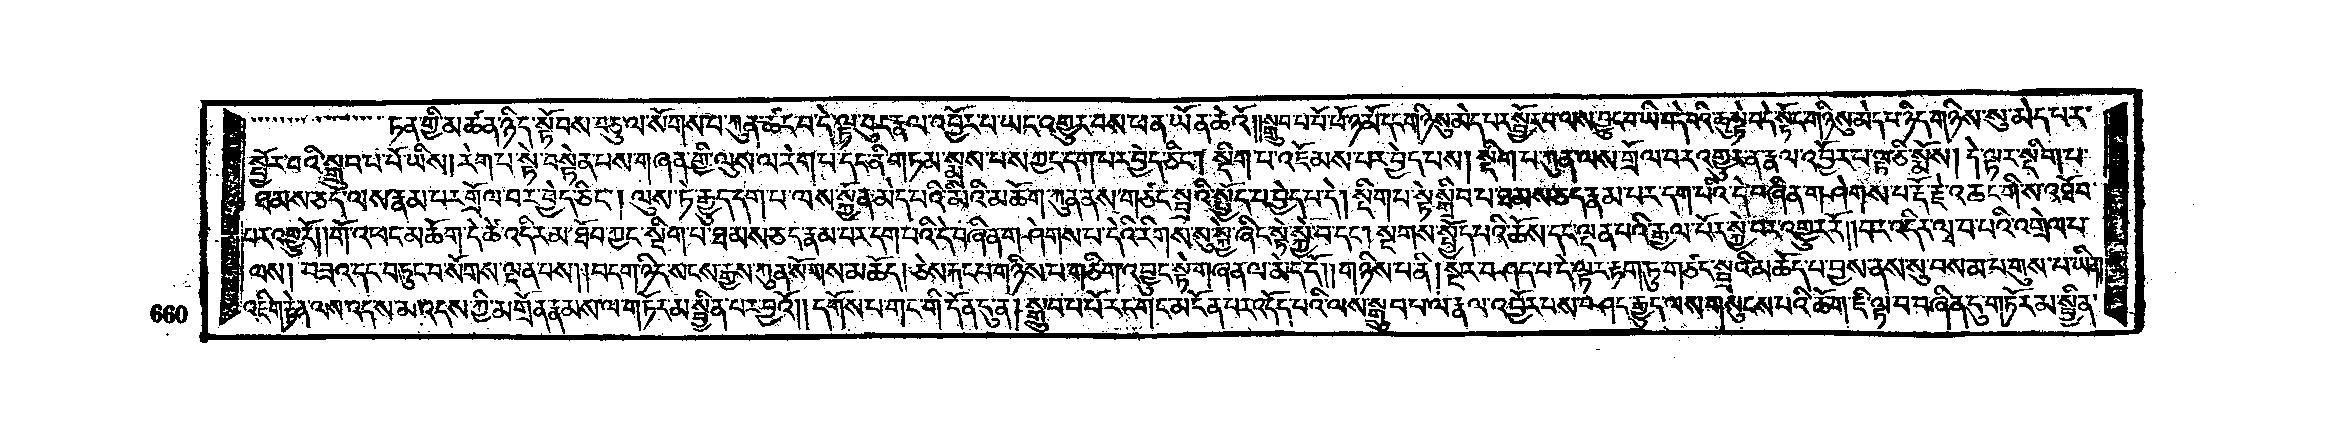ཏན་གྱི་མཚན་ཉིད་སྟོབས་བཅུ་ལ་སོགས་པ་ཀུན་ཚང་བ་དེ་ལྟ་བུར་རྣལ་འབྱོར་པ་ཡང་འགྱུར་བས་ཕན་ཡོན་ཆེའོ། །སྒྲུབ་པ་པོ་ཕོ་ཉ་མོ་དང་གཉིས་སུ་མེད་པར་སྦྱོར་བ་ལས་བྱུང་བ་ཡི་བདེ་བའི་ཆུ་སྟེ་བདེ་སྟོང་གཉིས་སུ་མེད་པ་ཉིད་གཉིས་སུ་མེད་པར་
སྦྱོར་བའི་སྒྲུབ་པ་པོ་ཡིས། རེག་པ་སྟེ་བསྟེན་པས་གཞན་གྱི་ལུས་ལ་རེག་པ་དང་ནི་གཏམ་སྨྲས་པས་ཀྱང་དག་པར་བྱེད་ཅིང་། སྡིག་པ་འཇོམས་པར་བྱེད་པས། སྡིག་པ་ཀུན་ལས་གྲོལ་བར་འགྱུར་ན་རྣལ་འབྱོར་པ་ལྟ་ཅི་སྨོས། དེ་ལྟར་སྡིག་པ་
ཐམས་ཅད་ལས་རྣམ་པར་གྲོལ་བར་བྱེད་ཅིང་། ལུས་ཏེ་རྒྱུད་དག་པ་ལས་སྐྱོན་མེད་པའི་མིའི་མཆོག་ཀུན་ནས་གཙང་སྦྲའི་སྤྱོད་པ་བྱེད་པ་དེ། སྡིག་པ་སྟེ་སྒྲིབ་པ་ཐམས་ཅད་རྣམ་པར་དག་པའི་དེ་བཞིན་གཤེགས་པ་རྡོ་རྗེ་འཆང་གི་ས་འཐོབ་
པར་འགྱུར་རོ། །གོ་འཕང་མཆོག་དེ་ཚེ་འདིར་མ་ཐོབ་ཀྱང་སྡིག་པ་ཐམས་ཅད་རྣམ་པར་དག་པའི་དེ་བཞིན་གཤེགས་པ་དེའི་རིགས་སུ་སྐྱེ་ཞིང་སྟེ་སྐྱེ་བ་དང་། སྔགས་སྤྱོད་པའི་ཆོས་དང་ལྡན་པའི་རྒྱལ་པོར་སྐྱེ་བར་འགྱུར་རོ། །བར་འདིར་ལྭ་བ་པའི་འགྲེལ་པ་
ལས། བཟའ་དང་བཏུང་བ་སོགས་ལྡན་པས། །བདག་ཉིད་སངས་རྒྱས་ཀུན་སོགས་མཆོད། ཅེས་རྐང་པ་གཉིས་པ་གཅིག་འབྱུང་སྟེ་གཞན་ལ་མེད་དོ། །གཉིས་པ་ནི། སྔར་བཤད་པ་དེ་ལྟར་རྟག་ཏུ་གཙང་སྦྲའི་མཆོད་པ་བྱས་ནས་སུ་བསམ་པ་གུས་པ་ཡིན།
འཇིག་རྟེན་ལས་འདས་མ་འདས་ཀྱི་མགྲོན་རྣམས་ལ་གཏོར་མ་སྦྱིན་པར་བྱའོ། །དགོས་པ་གང་གི་དོན་དུ་ན། སྒྲུབ་པ་པོ་རང་གང་མངོན་པར་འདོད་པའི་ལས་སྒྲུབ་པ་ལ་རྣལ་འབྱོར་པས་བཤད་རྒྱུད་ལས་གསུངས་པའི་ཆོ་ག་ཇི་ལྟ་བ་བཞིན་དུ་གཏོར་མ་སྦྱིན་